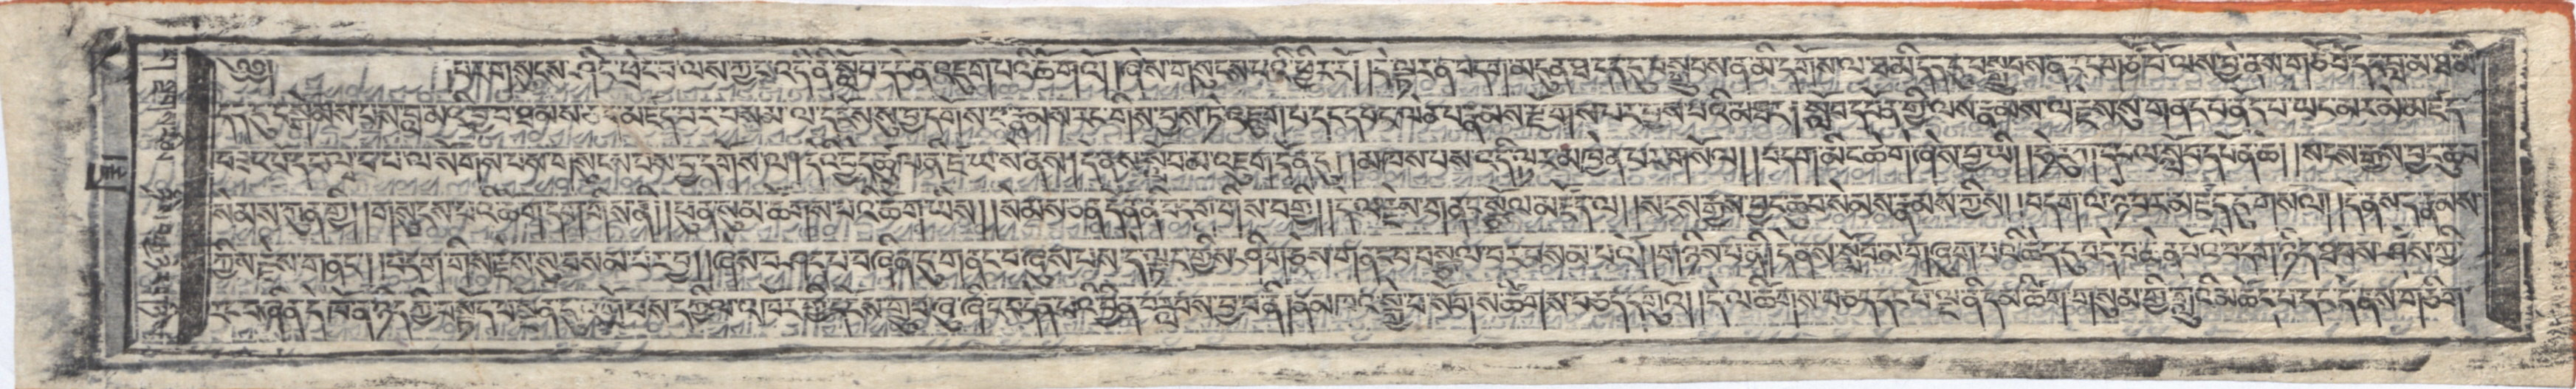༄༅། །པར་གསུངས་ཤིང་ཕྲེང་བ་ལས་ཀྱང་འདི་ནི་སློབ་དཔོན་འཇུག་པའི་ཆོ་གའོ། །ཞེས་གསུངས་པའི་ཕྱིར་རོ། །དེ་ལྟར་ན་བདག་མདུན་ཐ་དད་དུ་བསྒྲུབས་ན་མི་དགོས་ལ་ཐ་མི་དད་དུ་བསྒྲུབས་ན་རང་གཙོ་བོ་ལས་བྱེ་ནས་གཙོ་བོ་དང་བླ་མ་ཐ་མི་
དད་དུ་བསྒོམས་པས་བླ་མའི་བྱ་བ་ཐམས་ཅད་མཛད་པར་བསམ་ལ་དངོས་སུ་བྱ་དགོས་པ་རྣམས་རང་གིས་བྱས་ཏེ་འཇུག་པ་དང་དབང་ལེན་པ་རྣམས་རྫོགས་པར་བྱས་པའི་མཐར། སློབ་དཔོན་གྱི་ལས་རྣམས་ལ་རྗེས་སུ་གནང་བ་ནོད་པ་ཡང་མར་མེ་མཛད་
བཟང་པོ་དང་ལྭ་བ་པ་ལ་སོགས་པས་གསུངས་པས་བྱ་དགོས་ལ། དེའི་བྱེད་ཚུལ་ནི་ཛ་ཡ་སེ་ནས། དེ་ནས་སློབ་མ་འཇུག་དོན་དུ། །མཁས་པས་འདི་ལྟར་མཁྱེན་པར་གསོལ། །བདག་མིང་ཆེ་གེ་ཞེས་བྱ་ཡི། །ཧེ་རུ་ཀ་དཔལ་སློབ་དཔོན་ཆེ། །སངས་རྒྱས་བྱང་ཆུབ་
སེམས་ཀུན་གྱི། །གསུངས་པའི་ཆོ་ག་དག་གིས་ནི། །ཕུན་སུམ་ཚོགས་པའི་ཆོ་ག་ཡིས། །སེམས་ཅན་དོན་ནི་བདག་གིས་བགྱི། །དེ་ལ་རྗེས་གནང་སྩོལ་མཛོད་ལ། །སངས་རྒྱས་བྱང་ཆུབ་སེམས་རྣམས་ཀྱིས། །བདག་ལ་ཉེ་བར་མཛད་དུ་གསོལ། །དེ་ནས་དེ་རྣམས་
ཀྱིས་རྗེས་གནང་། །བདག་གིས་རྗེས་སུ་བསམ་པར་བྱ། །ཞེས་བཤད་པ་བཞིན་དུ་གནང་བ་ཞུས་པས་དེ་ལྟར་གྱིས་ཤིག་ཅེས་གནང་བ་བསྩལ་བར་བསམ་པའོ། །གཉིས་པ་ནི། དེ་ནས་སློབ་མ་གཞུག་པའི་ཆེད་དུ་བདེ་བ་ཆེན་པོའི་བདག་ཉིད་ཐབས་ཤེས་ཀྱི་
རང་བཞིན་དེ་ཁོ་ན་ཉིད་ཀྱི་བསྟོད་པ་སྔོན་དུ་འགྲོ་བས་དཀྱིལ་འཁོར་གྱི་དངོས་གྲུབ་ཞུ་ཞིང་བདེན་པའི་བྱིན་བརླབས་བྱ་བ་ནི། ནམ་མཁའ་སྐྱེ་བ་སོགས་ཚིགས་བཅད་དགུའོ། །དེ་ལ་ཚིགས་བཅད་དང་པོ་ལྔ་ནི་དམ་ཚིག་གསུམ་གྱི་གླུའི་མཆོད་པ་དང་དེ་ནས་གཅིག་